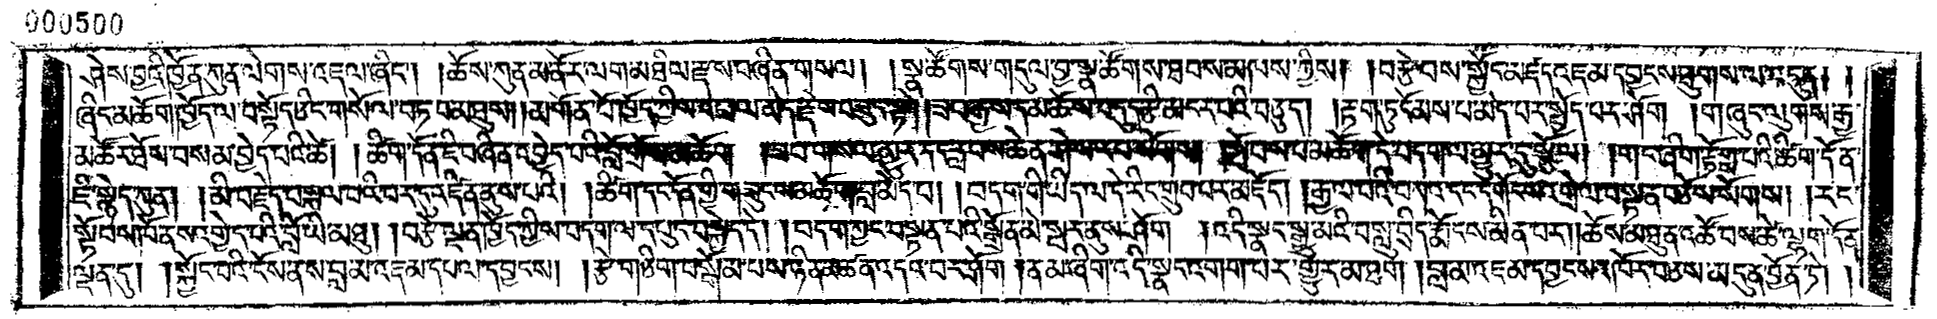ཤེས་བྱའི་ཁྱོན་ཀུན་ལེགས་འཇལ་ཞིང་། །ཆོས་ཀུན་མ་ནོར་ལག་མཐིལ་རྫས་བཞིན་གསལ། །སྣ་ཚོགས་གདུལ་བྱ་སྣ་ཚོགས་ཐབས་མཁས་ཀྱིས། །བརྩེ་བས་སྐྱོང་མཛད་འཇམ་དབྱངས་ཐུགས་ལ་འདུད། །
ཞིང་མཆོག་ཁྱོད་ལ་བསྟོད་ཅིང་གསོལ་བཏབ་མཐུས། །མགོན་པོ་ཁྱོད་ཀྱིས་འབྲལ་མེད་རྗེས་བཟུང་སྟེ། །ཟབ་རྒྱས་དམ་ཆོས་བདུད་རྩི་མངར་བའི་བཅུད། །རྟག་ཏུ་ངོམས་པ་མེད་པར་སྤྱོད་པར་ཤོག །གཞུང་ལུགས་རྒྱ་
མཚོར་ཐོས་བསམ་བྱེད་པའི་ཚེ། །ཚིག་དོན་ཇི་བཞིན་འབྱེད་པའི་བློ་གྲོས་མཆོག །ཟབ་གསལ་མྱུར་དང་རླབས་ཆེན་ཤེས་རབ་སོགས། །སྤོབས་པ་མཆོག་དེ་བདག་ལ་མྱུར་དུ་སྩོལ། །གང་ཞིག་རྟོགས་པའི་ཚིག་དོན་
ཇི་སྙེད་ཀུན། །མི་བརྗེད་བསྐལ་པའི་བར་དུ་འཛིན་ནུས་པའི། །ཚིག་དང་དོན་གྱི་གཟུངས་མཆོག་བླ་མེད་པ། །བདག་གི་ཡིད་ལ་དེ་རིང་གྲུབ་པར་མཇོད། །རྒྱལ་བའི་བཀའ་དང་དགོངས་འགྲེལ་བསྟན་བཅོས་སོགས། །རང་
སྟོབས་ཁོ་ནས་འགྱེད་པའི་བློ་ཡི་མཐུ། །བརྩེ་ལྡན་ཁྱོད་ཀྱིས་བདག་ལ་དཔུང་བསྐྱེད་དེ། །བདག་ཀྱང་བསྟན་པའི་སྒྲོན་མེ་སྦར་ནུས་ཤོག །འདི་སྣང་སྒྱུ་མའི་བསླུ་བྲིད་རྨོངས་མིན་པར། །ཆོས་མཐུན་འཚོ་བས་ཚེ་ལྷག་དོན་
ལྡན་དུ། །སྐྱོང་བའི་ངོས་ནས་བླ་མ་འཇམ་དཔལ་དབྱངས། །རྩེ་གཅིག་བསྒོམ་པས་ཉིན་མཚན་འདའ་བར་ཤོག །ནམ་ཞིག་འདི་སྣང་འགག་པར་གྱུར་མ་ཐག །བླ་མ་འཇམ་དབྱངས་འཁོར་བཅས་མདུན་བྱོན་ཏེ། །